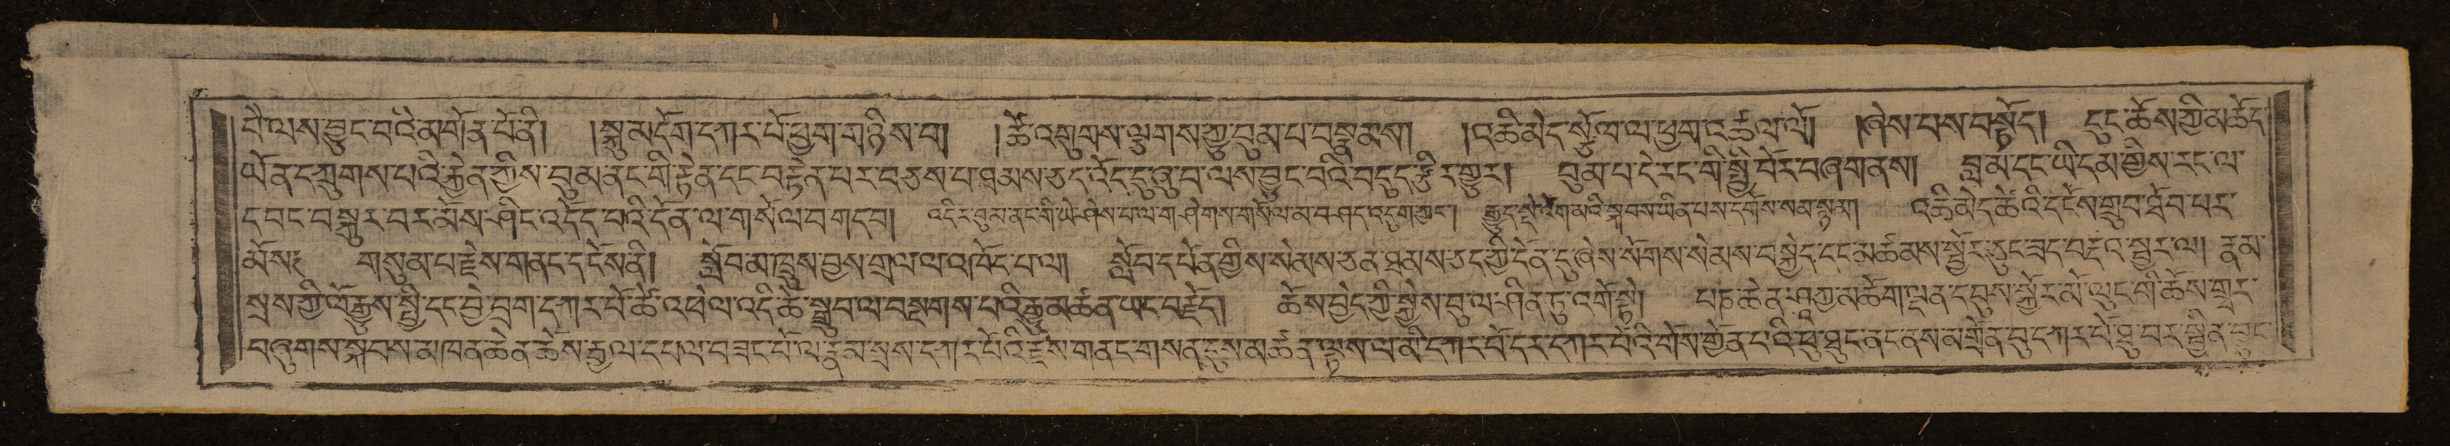བཻ་ལས་བྱུང་བའི་མགོན་པོ་ནི། །སྐུ་མདོག་དཀར་པོ་ཕྱག་གཉིས་པ། །ཚེ་འགུགས་ལྕགས་ཀྱུ་བུམ་པ་བསྣམས། །འཆི་མེད་སྩོལ་ལ་ཕྱག་འཚལ་ལོ། །ཞེས་པས་བསྟོད། དུང་ཆོས་ཀྱི་མཆོད་
ཡོན་དཀྲུགས་པའི་རྐྱེན་ཀྱིས་བུམ་ནང་གི་རྟེན་དང་བརྟེན་པར་བཅས་པ་ཐམས་ཅད་འོང་དུ་ཞུ་བ་ལས་བྱུང་བའི་བདུད་རྩིར་གྱུར། བུམ་པ་དེ་རང་གི་སྤྱི་བོར་བཞག་ནས། བླ་མ་དང་ཡི་དམ་གྱིས་རང་ལ་
དབང་བསྐུར་བར་མོས་ཤིང་འདོད་པའི་དོན་ལ་གསོལ་བ་གདབ། འདིར་བུམ་ནང་གི་ཡེ་ཤེས་པ་ལ་གཤེགས་གསོལ་མ་བཤད་འདུག་ཀྱང་། རྒྱུད་སྡེ་འོག་མའི་སྐབས་ཡིན་པས་དགོས་སམ་སྙམ། འཆི་མེད་ཚེའི་དངོས་གྲུབ་ཐོབ་པར་
མོས༑ གསུམ་པ་རྗེས་གནང་དངོས་ནི། སློབ་མ་ཁྲུས་བྱས་གྲལ་ལ་འཁོད་པ་ལ། སློབ་དཔོན་གྱིས་སེམས་ཅན་ཐམས་ཅད་ཀྱི་དོན་དུ་ཞེས་སོགས་སེམས་བསྐྱེད་དང་མཚམས་སྦྱོར་ཅུང་ཟད་བརྡའ་སྦྱར་ལ། རྣམ་
སྲས་ཀྱི་ལོ་རྒྱུས་སྤྱི་དང་བྱེ་བྲག་དཀར་པོ་ཚེ་འཕེལ་འདི་ཚེ་སྒྲུབ་ལ་བསྔགས་པའི་རྒྱུ་མཚན་ཡང་བརྗོད། ཆོས་བྱེད་ཀྱི་སྐྱེས་བུ་ལ་ཤིན་ཏུ་འགྲོ་སྟེ། པཎ་ཆེན་ཤཱཀྱ་མཆོག་ལྡན་དབུས་སྐྱོར་མོ་ལུང་གི་ཆོས་གྲྭར་
བཞུགས་སྐབས་མཁན་ཆེན་ཆོས་རྒྱལ་དཔལ་བཟང་པོ་ལ་རྣམ་སྲས་དཀར་པོའི་རྗེས་གནང་གསན་དུས་མཚན་ལྟས་ལ་མི་དཀར་པོ་དར་དཀར་པོའི་གོས་གྱོན་པའི་ཕུ་ཐུང་ནང་ནས་མགྲོན་བུ་དཀར་པོ་ཐུ་བར་སྦྱིན་བྱུང་